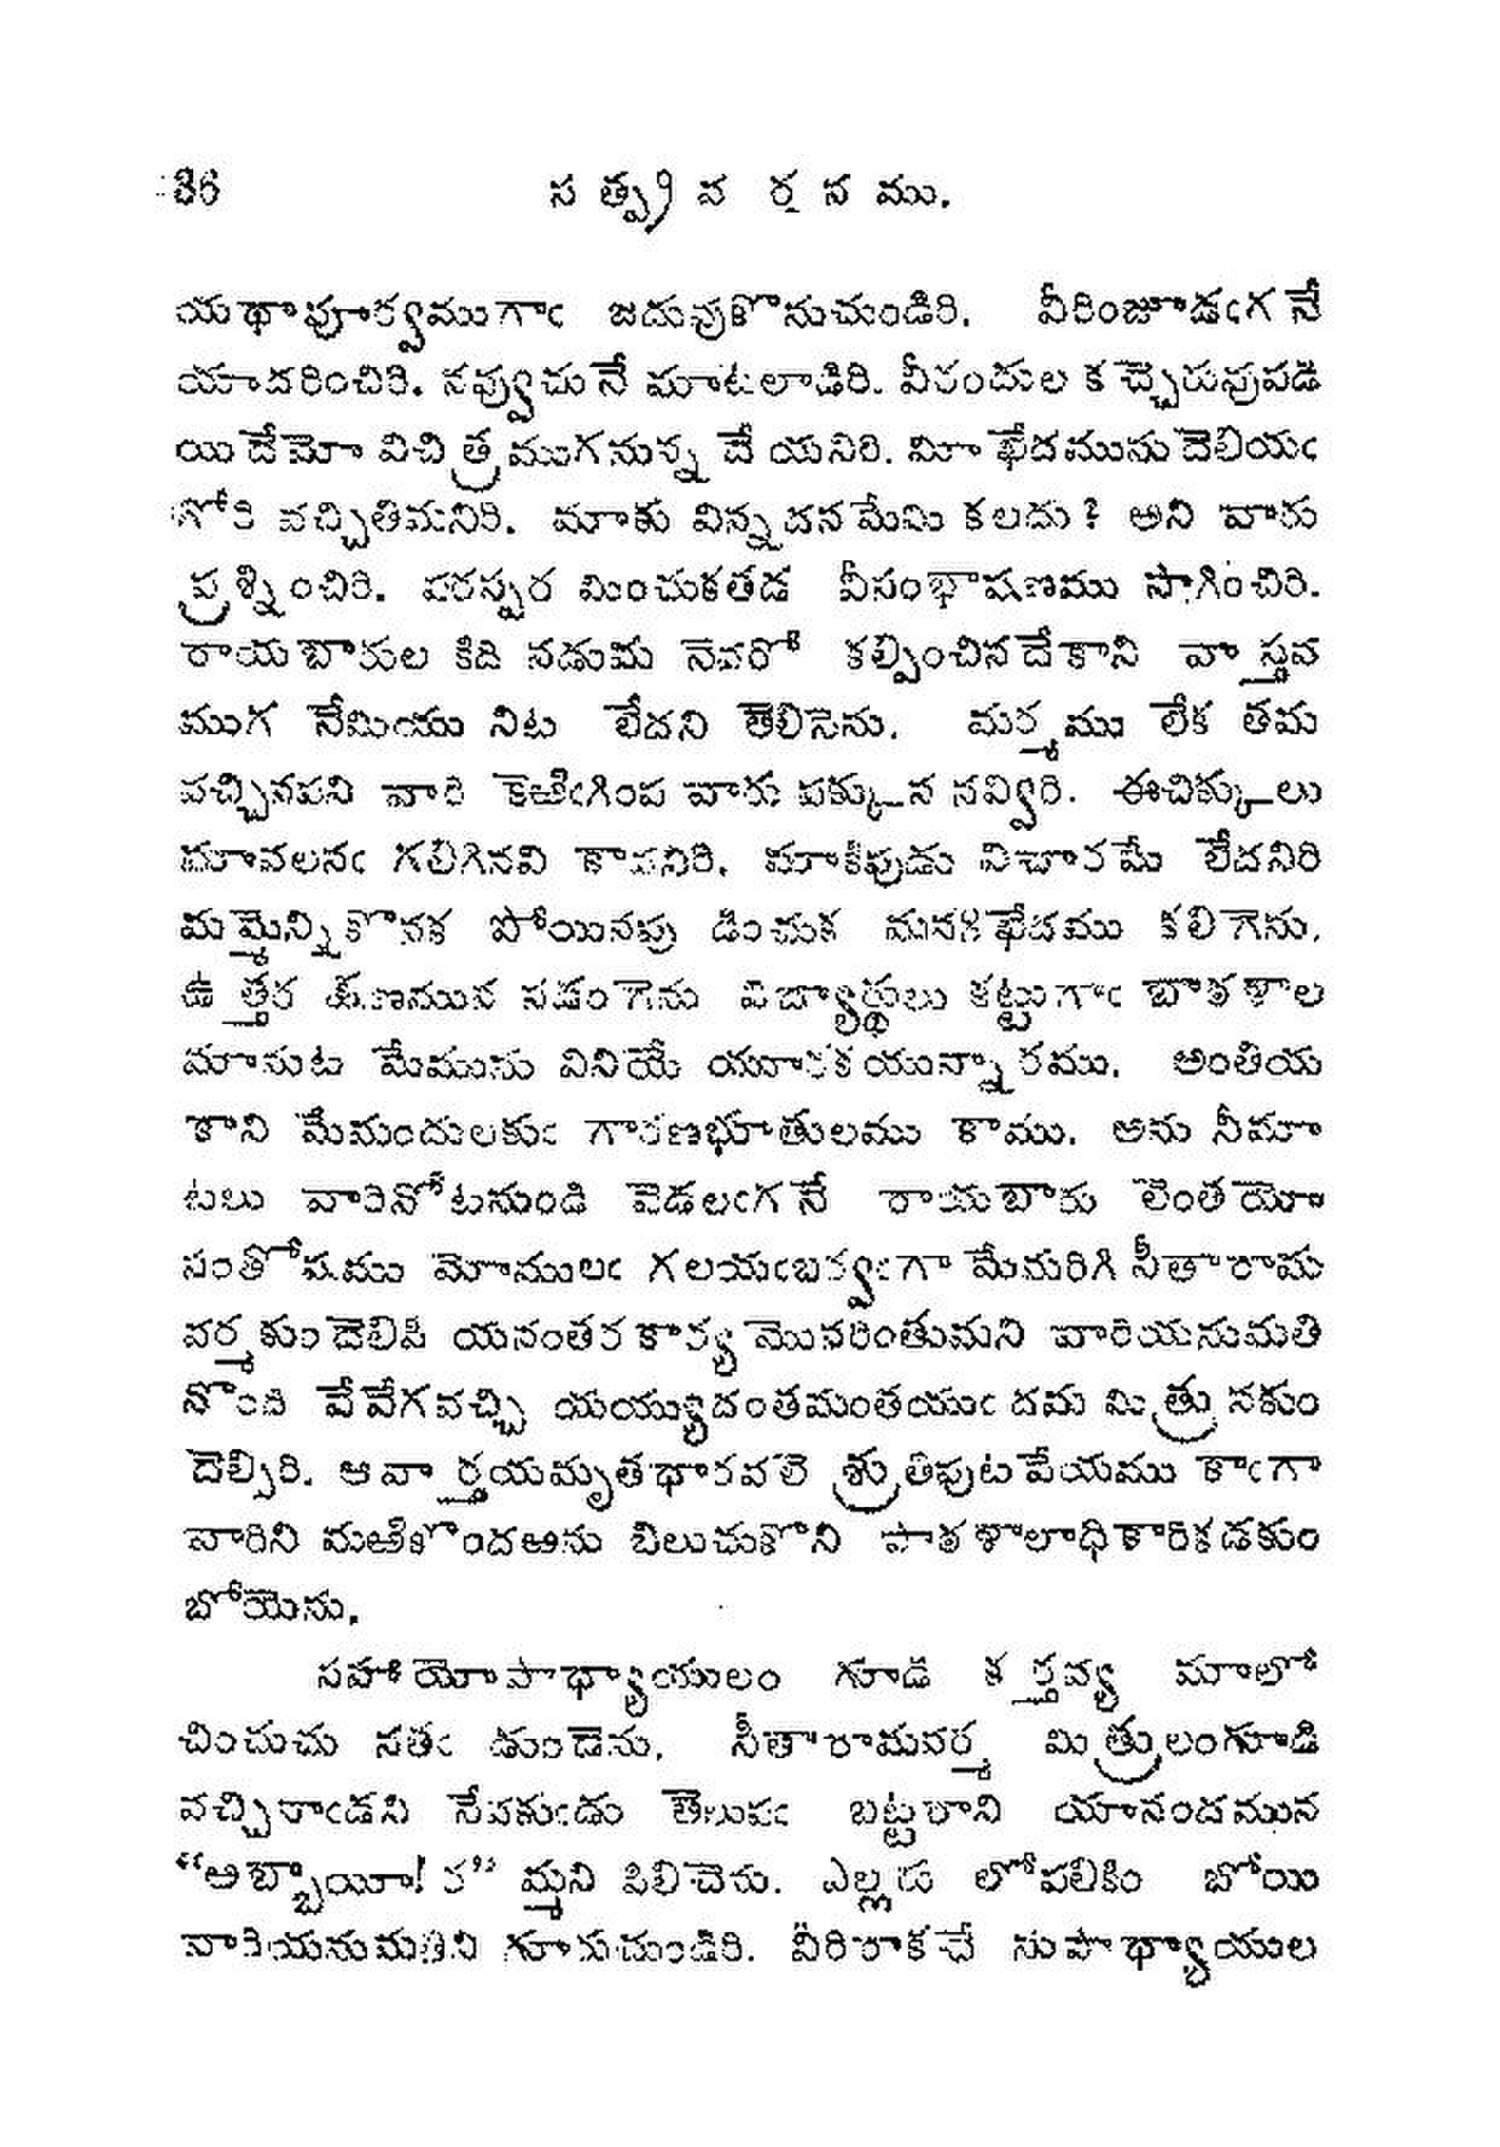యథావూర్వముగాఁ జదువుకొనుచుండిరి. వీరింజూడఁగనే యాదరించిరి. నవ్వుచు నేమాటలాడిరి. వీరందుల కచ్చెరువు పడి యిదేమో విచిత్రముగనున్న దేయనిరి. మీ భేదమును దెలియఁ గోరి వచ్చితిమనిరి. మాకు విన్న దనమేమి కలదు? అని వారు ప్రశ్నించిరి. పరస్పర మించుకతడ వీసంభాషణము సాగించిరి. రాయబారుల కిది నడుమ నెవరో కల్పించినదే కాని వాస్తవముగ 'నేమియు నిట లేదని తెలిసెను. మర్మము లేక తముపచ్చినపని వారికెఱింగింప వారు పక్కున నవ్విరి. ఈ చిక్కులు మావలనఁ గలిగినవి కావనిరి, మాకప్పుడు విచారమే లేదనిరి. మమ్మెన్ని కొనక పోయినపుడించుక మనః బేదము కలిగెను, ఉత్తరక్షణమున నడంగెను. విద్యార్తులు కట్టుగా బాఠశాల మానుట 'మేమును వినియే యూరకయున్నారము. అంతీయ కాని 'మేమందులకు గారణభూతులము కాము. అను నీమూటలు వారినోటనుండి వెడలగనే రాయబారు "లింత యో సంతోషము 'మోములఁ గలయపర్వముగా మేమరిగి సీతారామ వర్మకు దెలిపి యనంతర కార్య మొనరింతుమని వారియనుమతి నొంది వెవేగవచ్చి యయ్యుదంతమంతయుఁ దమమిత్రులకుం దెల్పిరి. ఆవార్తయమృత ధారవలె శ్రుతిపుట వేయము "కాఁగా నారినిమఱికొందఱను బిలుచుకొని పాఠశాలాధికారిడకుం బోయెను.

సహా యోపాధ్యాయులం గూడి శర్తవ్యమాలో చించుచు సతండుండెను, సీతారామవర్మ, మిత్రులం గూడి వచ్చినాడని సేవకుడు తెలుప బట్టరాని యానందమున “అబ్బాయీ! రమ్మని పిలిచెను. ఎల్లరి లోపలికిం బోయి నాకియనుమతిని గూరుచుండిరి. వీరి రాకచే సుపాధ్యాయుల